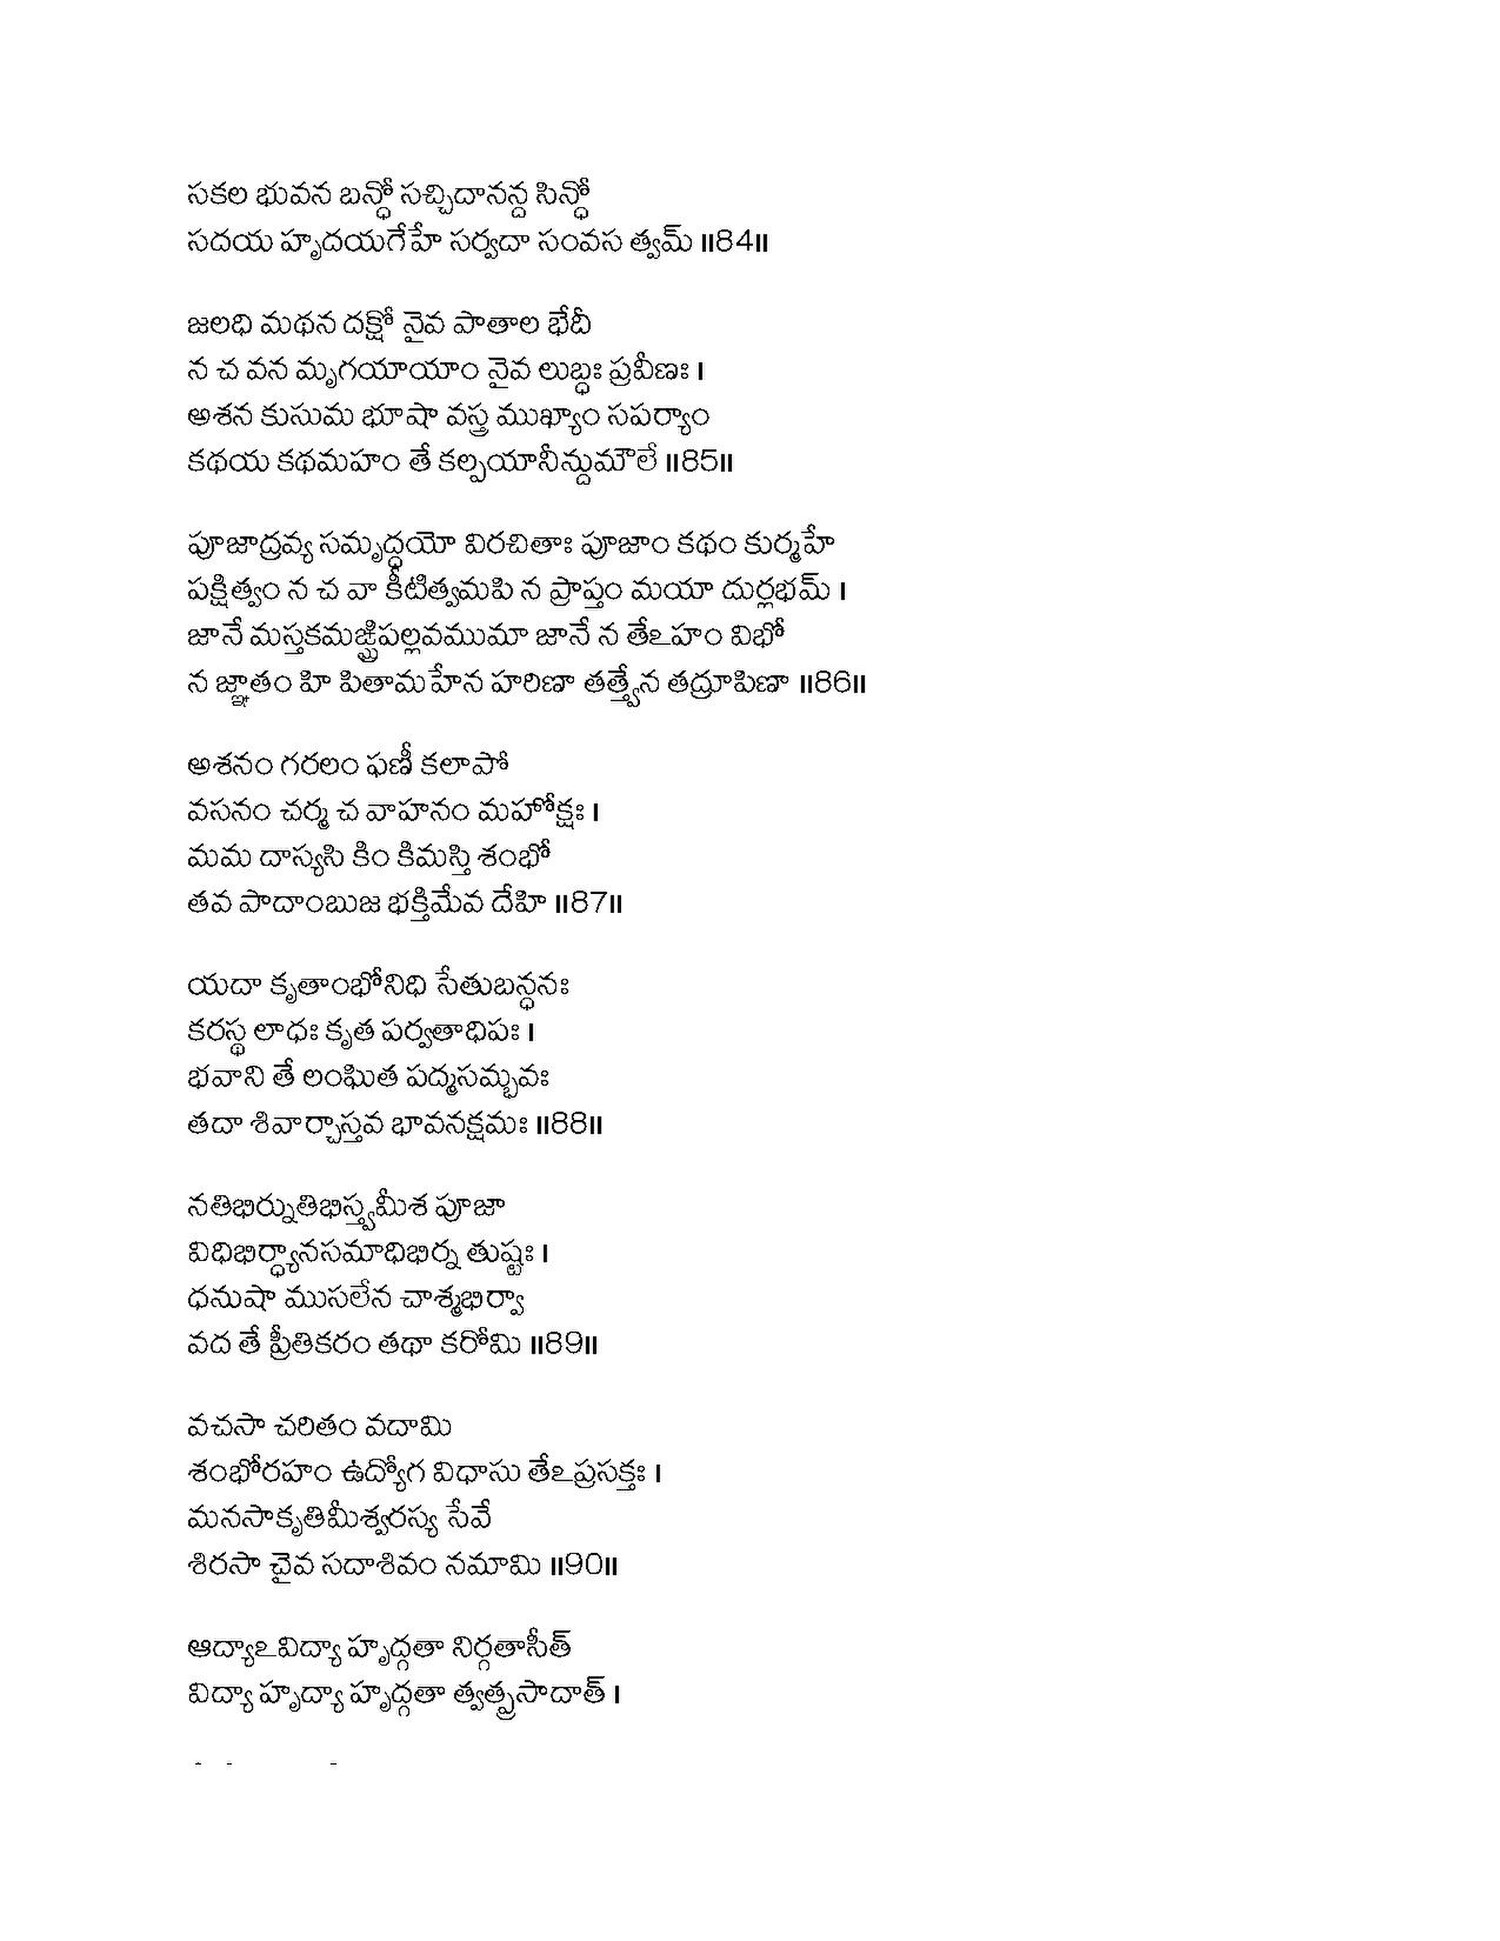సకల భువన బన్ధో సచ్చిదానన్ద సిన్ధో 
సదయ హృదయగేహే సర్వదా సంవసత్వమ్ || 84||

జలధి మథన దక్షో నైవ పాతాల భేదీ
న చ వన మృగయాయాం నైవ లుబ్ధః ప్రవీణః |
అశన కుసుమ భూషా వస్త్ర ముఖ్యాం సపర్యాం
కథయ కథమహం తే కల్పయానీన్దుమౌలే ||85||

పూజాద్రవ్య సమృద్ధయో విరచితాః పూజాం కథం కుర్మహే
పక్షిత్వం న చ వా కీటిత్వమపి న ప్రాప్తం మయా దుర్లభమ్ |
జానే మస్తకమఙ్ఘ్రిపల్లవముమా జానే న తే౽హం విభో
న జ్ఞాతం హి పితామహేన హరిణా తత్త్వేన తద్రూపిణా ||86||

అశనం గరలం ఫణీ కలాపో
వసనం చర్మ చ వాహనం మహోక్షః |
మమ దాస్యసి కిం కిమస్తి శంభో
తవ పాదాంబుజ భక్తిమేవ దేహి ||87||

యదా కృతాంభోనిధి సేతుబన్ధనః
కరస్థ లాధః కృత పర్వతాధిపః |
భవాని తే లంఘిత పద్మసమ్భవః
తదా శివార్చాస్తవ భావనక్షమః || 88||

నతిభిర్నుతిభిస్త్వమీశ పూజా
విధిభిర్ధ్యానసమాధిభిర్న తుష్టః |
ధనుషా ముసలేన చాశ్మభిర్వా
వదతే ప్రీతికరం తథా కరోమి ||89||

వచసా చరితం వదామి
శంభోరహం ఉద్యోగ విధాసు తే౽ప్రసక్తః |
మనసాకృతిమీశ్వరస్య సేవే
శిరసా చైవ సదాశివం నమామి ||90||

ఆద్యా౽విద్యా హృద్గతా నిర్గతాసీత్
విద్యా హృద్యా హృదతా త్వత్ప్రసాదాత్ |